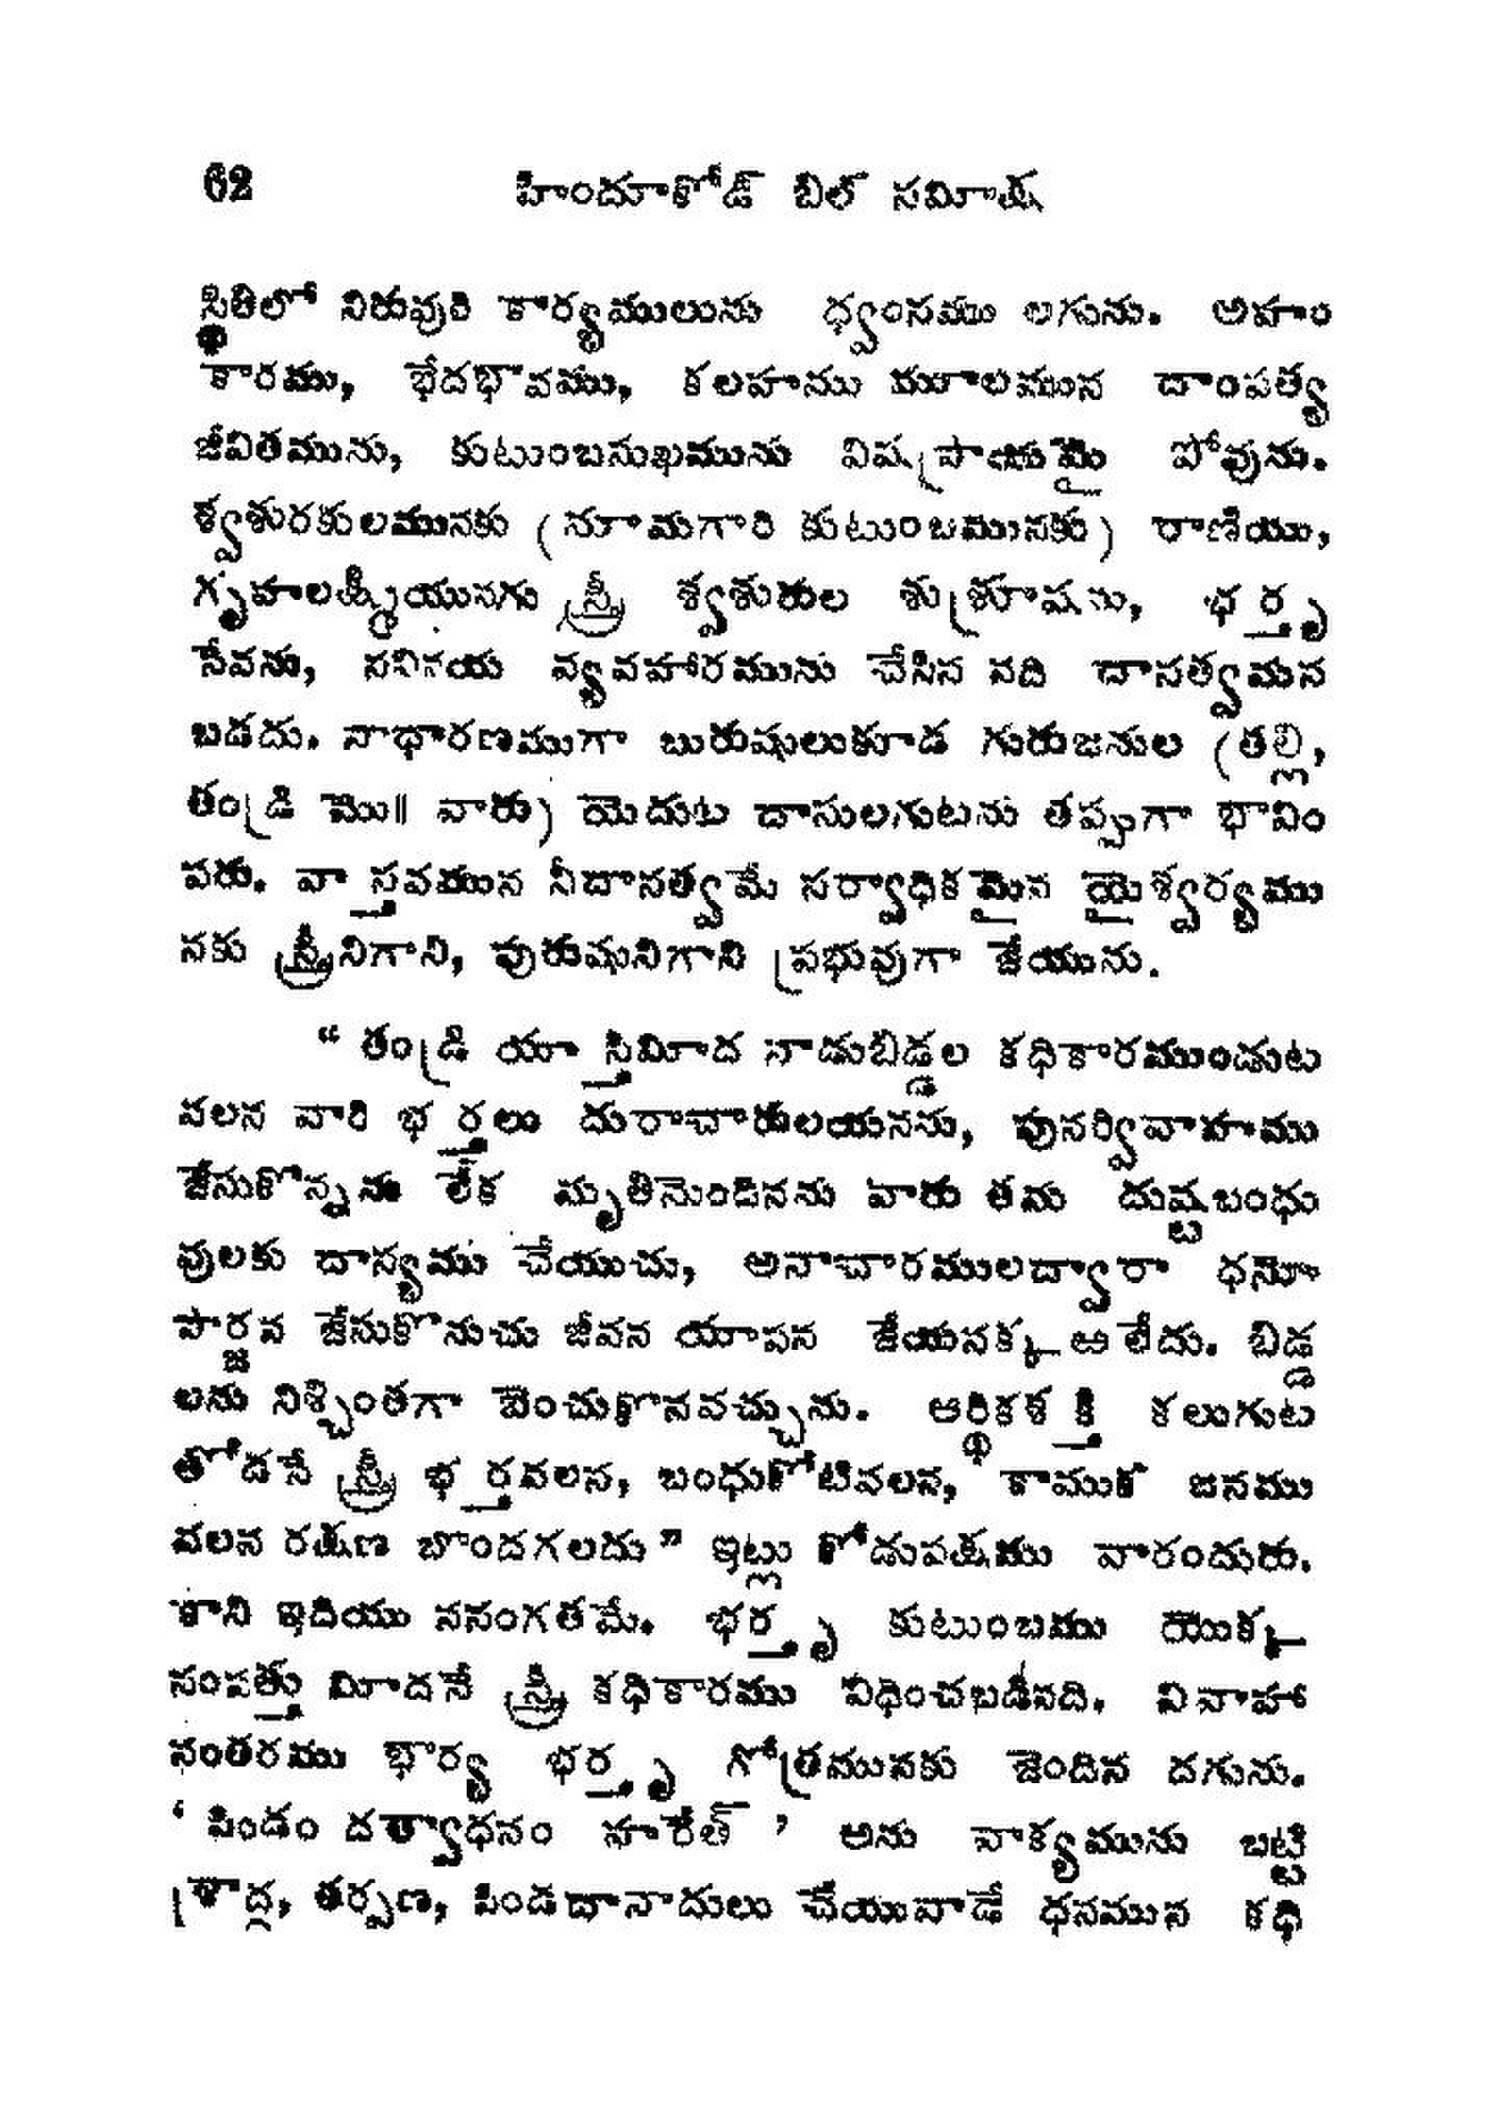స్థితిలో నిరువురి కార్యములును ధ్వంసము అగును. 
అహంకారము, భేదభావము, కలహము మూలమున దాంపత్య
జీవితమును, కుటుంబసుఖమును విషప్రాయమై పోవును.
శ్వశురకులమునకు (మామగారి కుటుంబమునకు) రాణియు,
గృహలక్ష్మియునగు స్త్రీ శ్వశురుల శుశ్రూషను, భర్తృసేవను, 
సవినయ వ్యవహారమును చేసిన నది దాసత్వమన బడదు. 
సాధారణముగా బురుషులు కూడ గురుజనుల (తల్లి,
తండ్రి మొ|| వారు ) యెదుట దాసులగుటను తప్పుగా 
భావింపరు. వాస్తవమున నీదాసత్వమే సర్వాధికమైన యైశ్వర్యము
నకు స్త్రీనిగాని, పురుషునిగాని ప్రభువుగా జేయును.

" తండ్రి యాస్తి మీద నాడుబిడ్డల కధికారముండుట
వలన వారి భర్తలు దురాచారులయినను, పునర్వివాహము
జేసుకొన్నను లేక మృతిచెందినను వారు తమ దుష్ట బంధు
పులకు దాస్యము చేయుచు, అనాచారములద్వారా ధనోపార్జన 
జేసుకొనుచు జీవన యాపన జేయనక్కఱలేదు. బిడ్డలను 
నిశ్చింతగా పెంచుకొనవచ్చును. ఆర్థికశక్తి కలుగుట
తోడనే స్త్రీ భర్తవలన , బంధుకోటివలన, కాముక జనము
వలన రక్షణ బొందగలదు" ఇట్లు కోడుపక్షము వారందురు.
కాని ఇదియు ననంగతమే. భర్తృ కుటుంబము యొక్క
సంపత్తు మీదనే స్త్రీ కధికారము విధించబడినది. వివాహా
సంతరము భార్య భర్తృ గోత్రమునకు జెందిన దగును.
' పిండం దత్వాధనం హరేత్ ' అను వాక్యమును బట్టి
శ్రాద్ధ, తర్పణ, పిండదానాదులు చేయువాడే ధనమున కధి